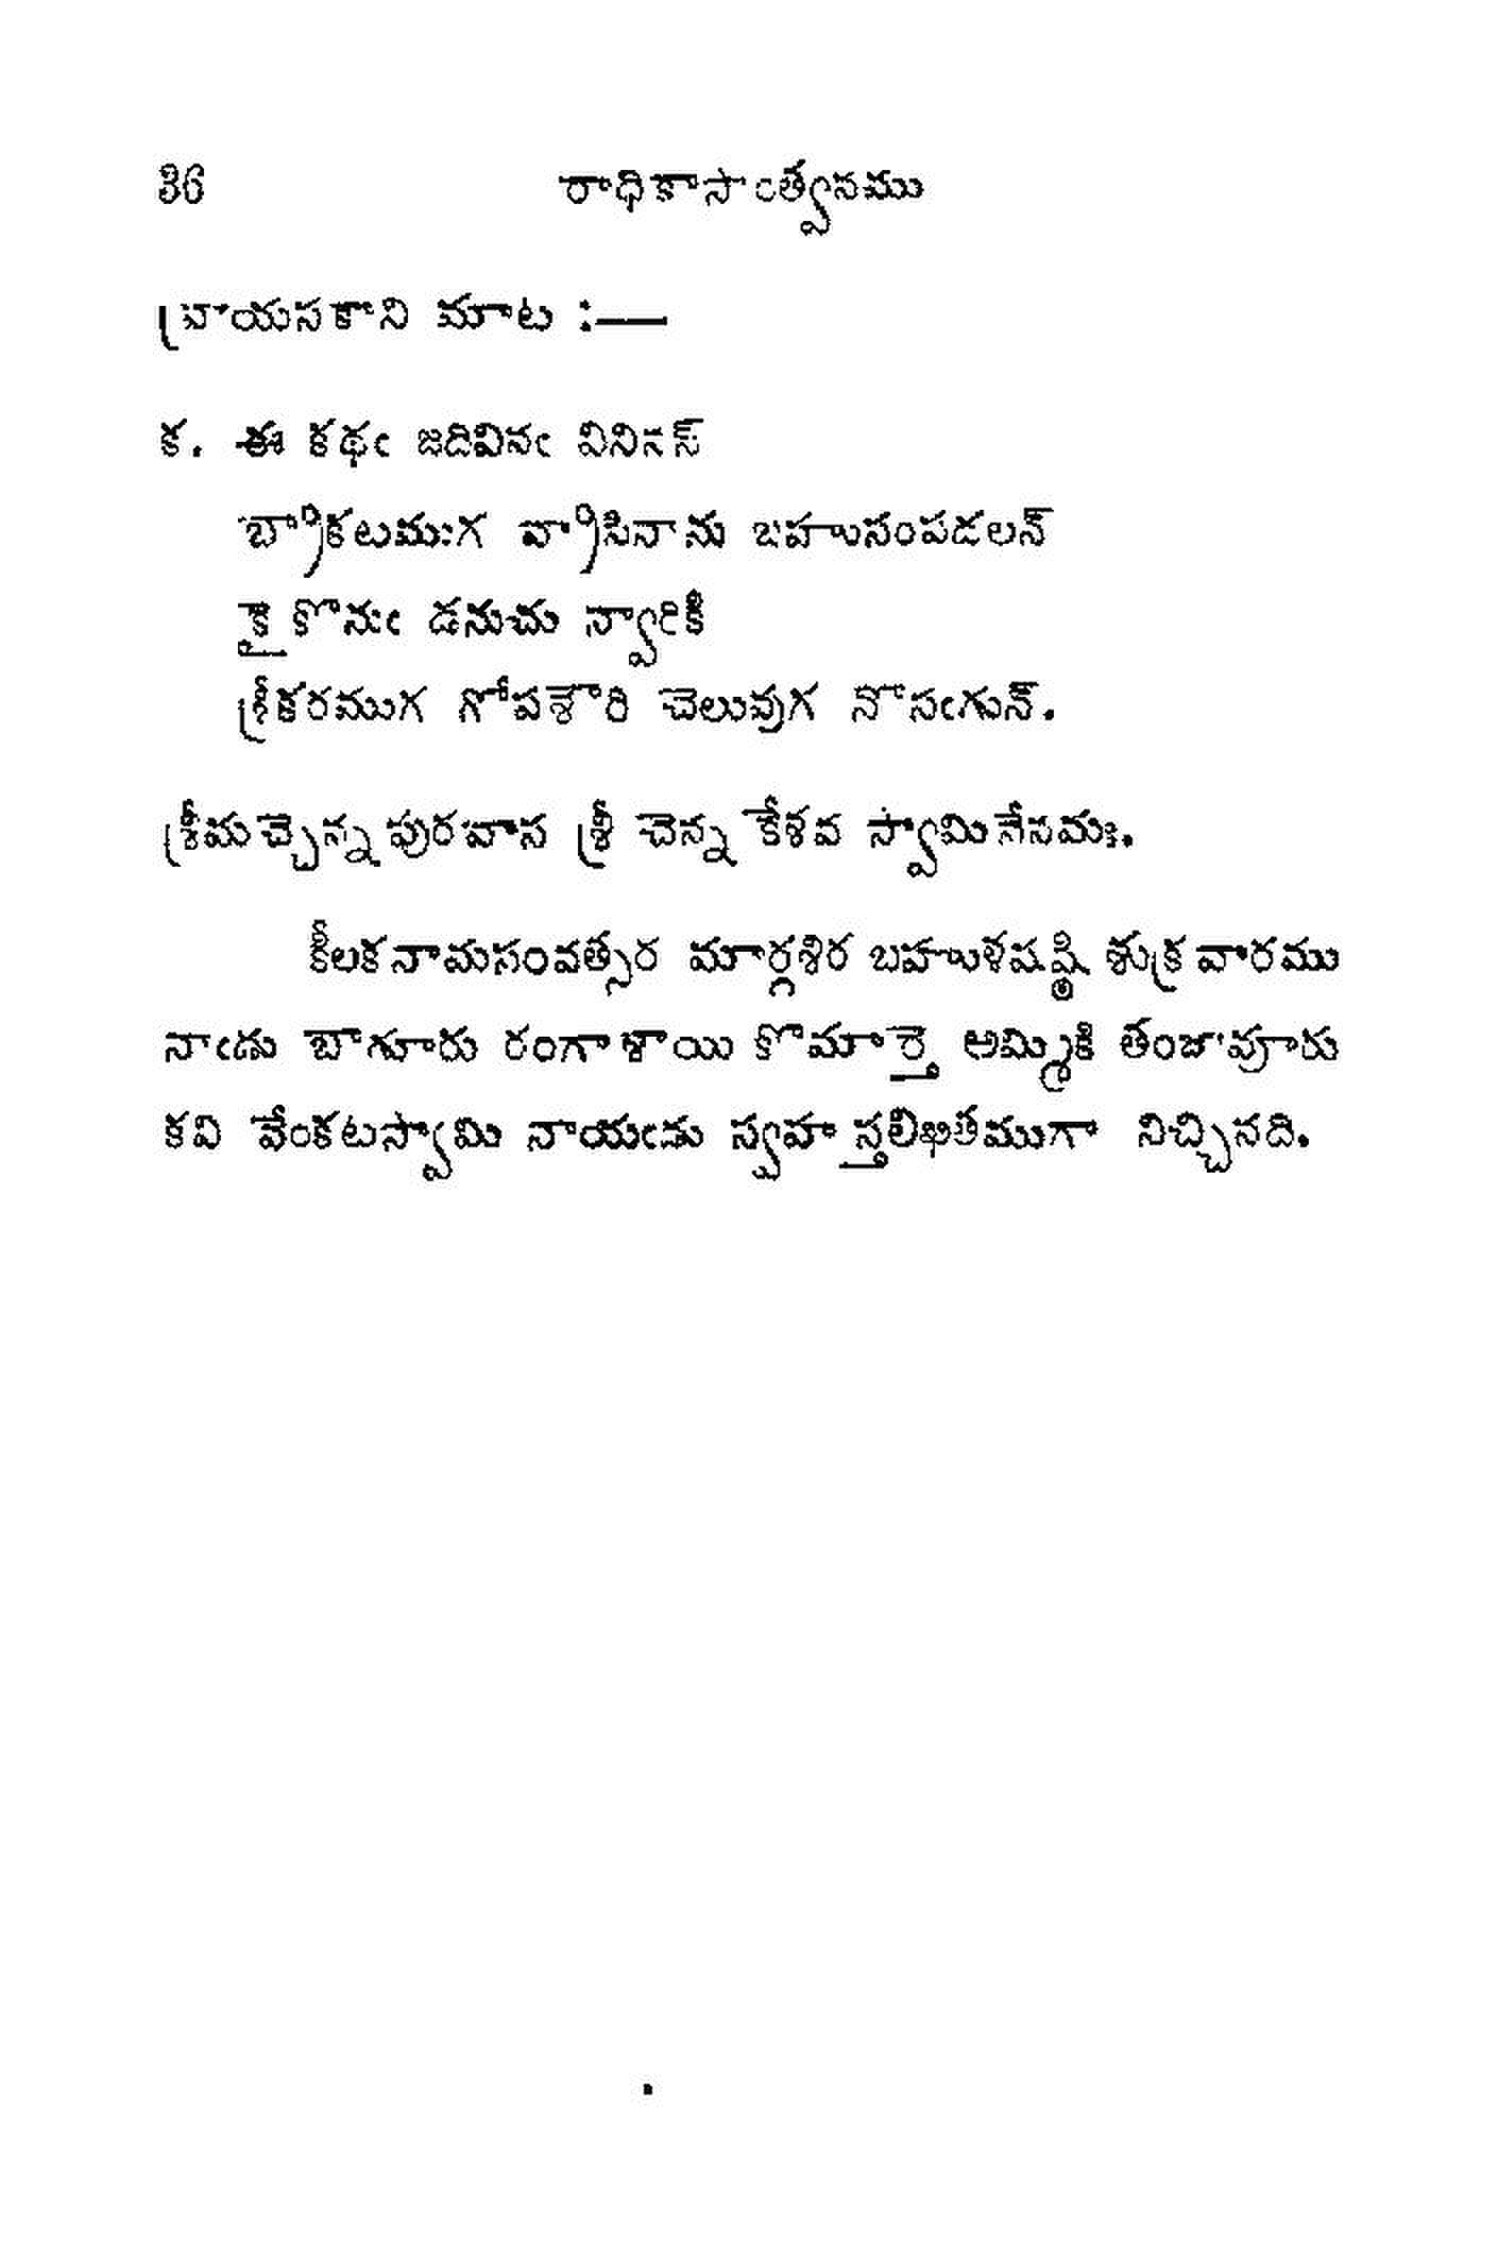వ్రాయసకాని మాట :-- 
క. ఈ కథఁ జదివినఁ వినినన్
బ్రాకటముగ వ్రాసినాను బహుసంపదలన్
కైకొనుఁ డనుచు న్వారికి
శ్రీకరముగ గోపశౌరి చెలువుగ నొసఁగున్. 
శ్రీమచ్చెన్నపురవాస శ్రీ చెన్నకేశవస్వామినేనమః

కీలకనామసంవత్సర మార్గశిర బహుళషష్ఠి శుక్రవారమునాఁడు బాగూరు రంగాశాయి కొమార్తె అమ్మికి తంజావూరు కవి వేంకటస్వామి నాయఁడు స్వహస్తలిఖితముగా నిచ్చినది.